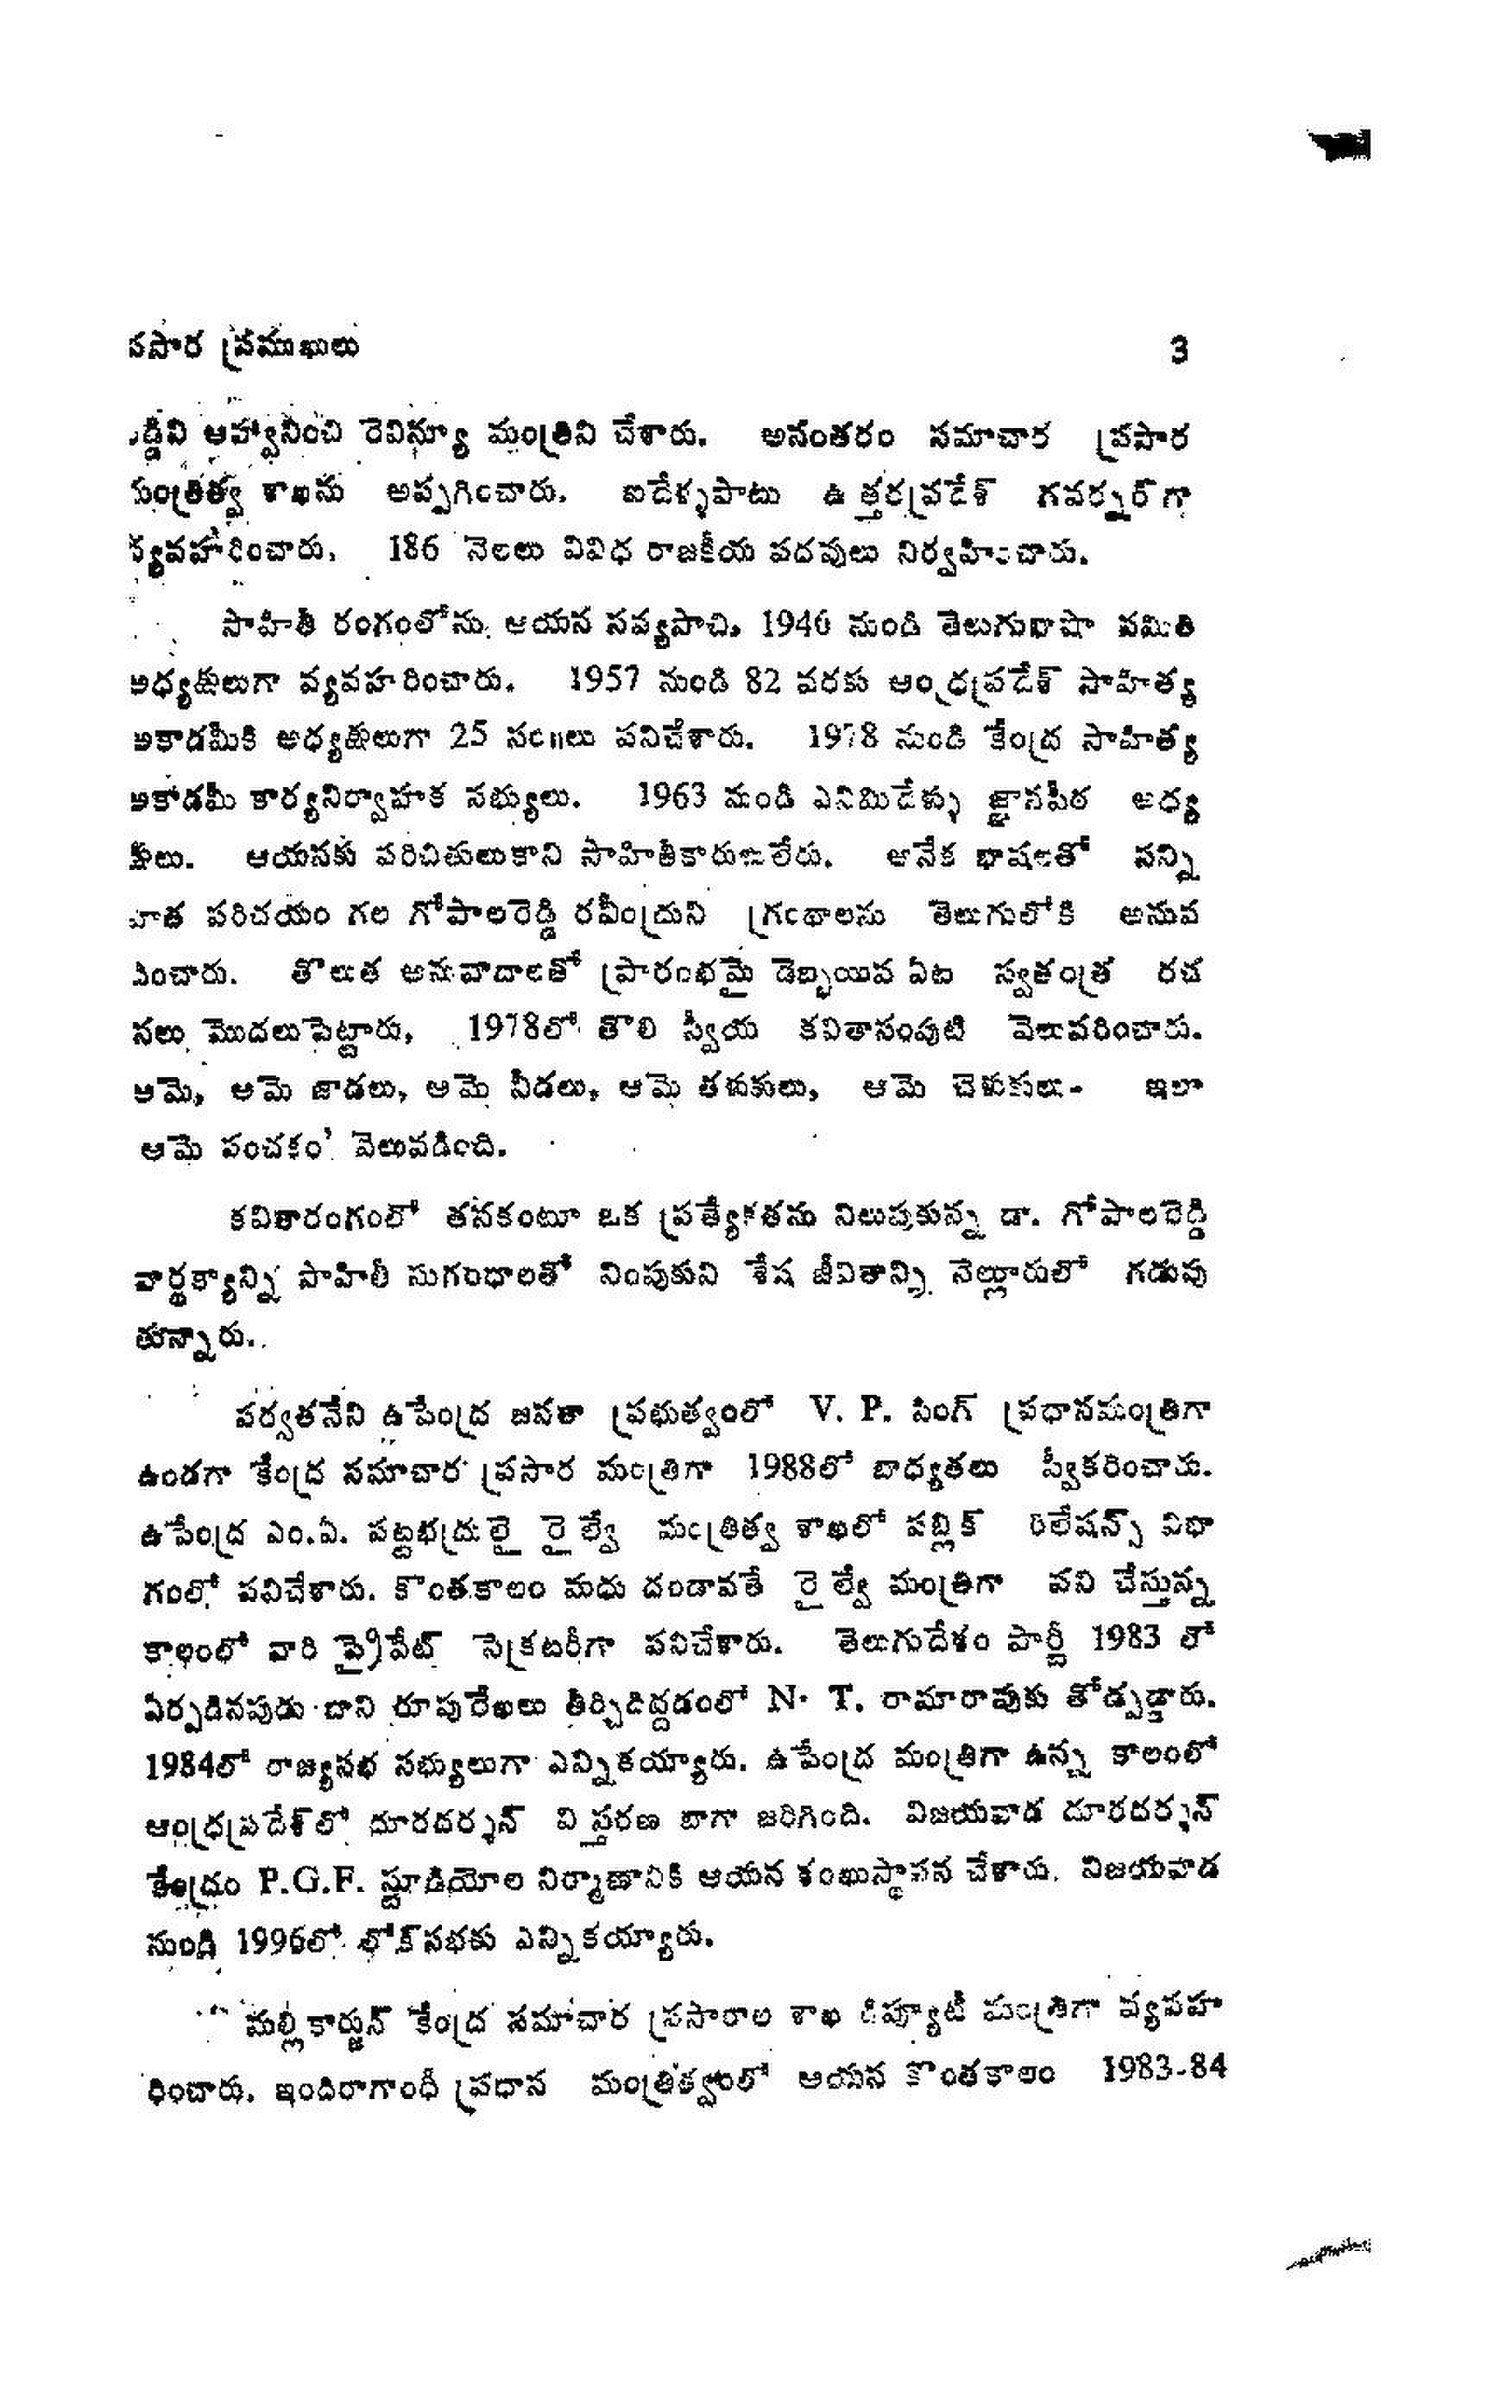రెడ్డిని ఆహ్వానించి రెవిన్యూ మంత్రిని చేశారు. అనంతరం సమాచార ప్రసార మంత్రిత్వ శాఖను అప్పగించారు. ఐదేళ్ళపాటు ఉత్తరప్రదేశ్ గవర్నర్ గా వ్యవహరించారు. 186 నెలలు వివిధ రాజకీయ పదవులు నిర్వహించారు.

సాహితీ రంగంలో ఆయన సవ్యసాచి. 1946 నుండి తెలుగుభాషా సమితి అధ్యక్షులుగా వ్యవహరించారు. 1957 నుండి 82 వరకు ఆంధ్రప్రదేశ్ సాహిత్య అకాడమీకి అధ్యక్షులుగా 25 సం॥లు పనిచేశారు. 1978 నుండి కేంద్ర సాహిత్య అకాడమీ కార్యనిర్వాహక సభ్యులు. 1963 నుండి ఎనిమిదేళ్ళు జ్నానపీఠ అధ్యక్షులు. ఆయనకు పరిచితులుకాని సాహితీకారులు లేరు. అనేక భాషలలో సన్నిహిత పరిచయం గల గోపాలరెడ్డి రవీంద్రుని గ్రంథాలను తెలుగులోకి అనువదించారు. తొలుత అనువాదాలతో ప్రారంభమై డెబ్బయివ ఏట స్వతంత్ర రచనలు మొదలుపెట్టారు. 1978లో తొలి స్వీయ కవితాసంపుటి వెలువరించారు. ఆమె, ఆమె జాడలు, ఆమె నీడలు, ఆమె తళుకులు, ఆమె చెరుకులు. ఇలా ఆమె పంచకం వెలువడింది.

కవితారంగంలో తనకంటూ ఒక ప్రత్యేకతను నిలుపుకున్న డా. గోపాలరెడ్డి వార్ధక్యాన్ని సాహితీ సుగంధాలతో నింపుకుని శేష జీవితాన్ని నెల్లూరులో గడుపుతున్నారు.

పర్వతనేని ఉపేంద్ర జనతా ప్రభుత్వంలో V.P. సింగ్ ప్రధానమంత్రిగా ఉండగా కేంద్ర సమాచార ప్రచార మంత్రిగా 1988లో బాధ్యతలు స్వీకరించారు. ఉపేంద్ర ఎం.ఏ. పట్టభద్రులై రైల్వే మంత్రిత్వ శాఖలో పబ్లిక్ రిలేషన్స్ విభాగంలో పనిచేశారు. కొంతకాలం మధు దండావతే రైల్వే మంత్రిగా మనిచేస్తున్న కాలంలో వారి ప్రైవేట్ సెక్రటరీగా పనిచేశారు. తెలుగుదేశం పార్టీ 1983 లో ఏర్పడినపుడు దాని రూపురేఖలు తీర్చిదిద్దడంలో N.T. రామారావుకు తోడ్పడారు. 1984లో రాజ్యసభ సభ్యులుగా ఎన్నికయ్యారు. ఉపేంద్ర మంత్రిగా ఉన్న కాలంలో ఆంధ్రప్రదేశ్ లో దూరదర్శన్ విస్తరణ బాగా జరిగింది. విజయవాడ దూరదర్శన్ కేంద్రం P.G.F. స్టుడియోల నిర్మాణానికి ఆయన శంఖుస్థాపన చేశారు. విజయవాడ నుండి 1996లో లోక్‌సభకు ఎన్నికయ్యారు. 

మల్లికార్జున్ కేంద్ర సమాచార ప్రసారాల శాఖ డిప్యూటీ మంత్రిగా వ్యవహరించారు. ఇందిరా గాంధీ ప్రధాన మంత్రిత్వంలో ఆయన కొంతకాలం 1983-84